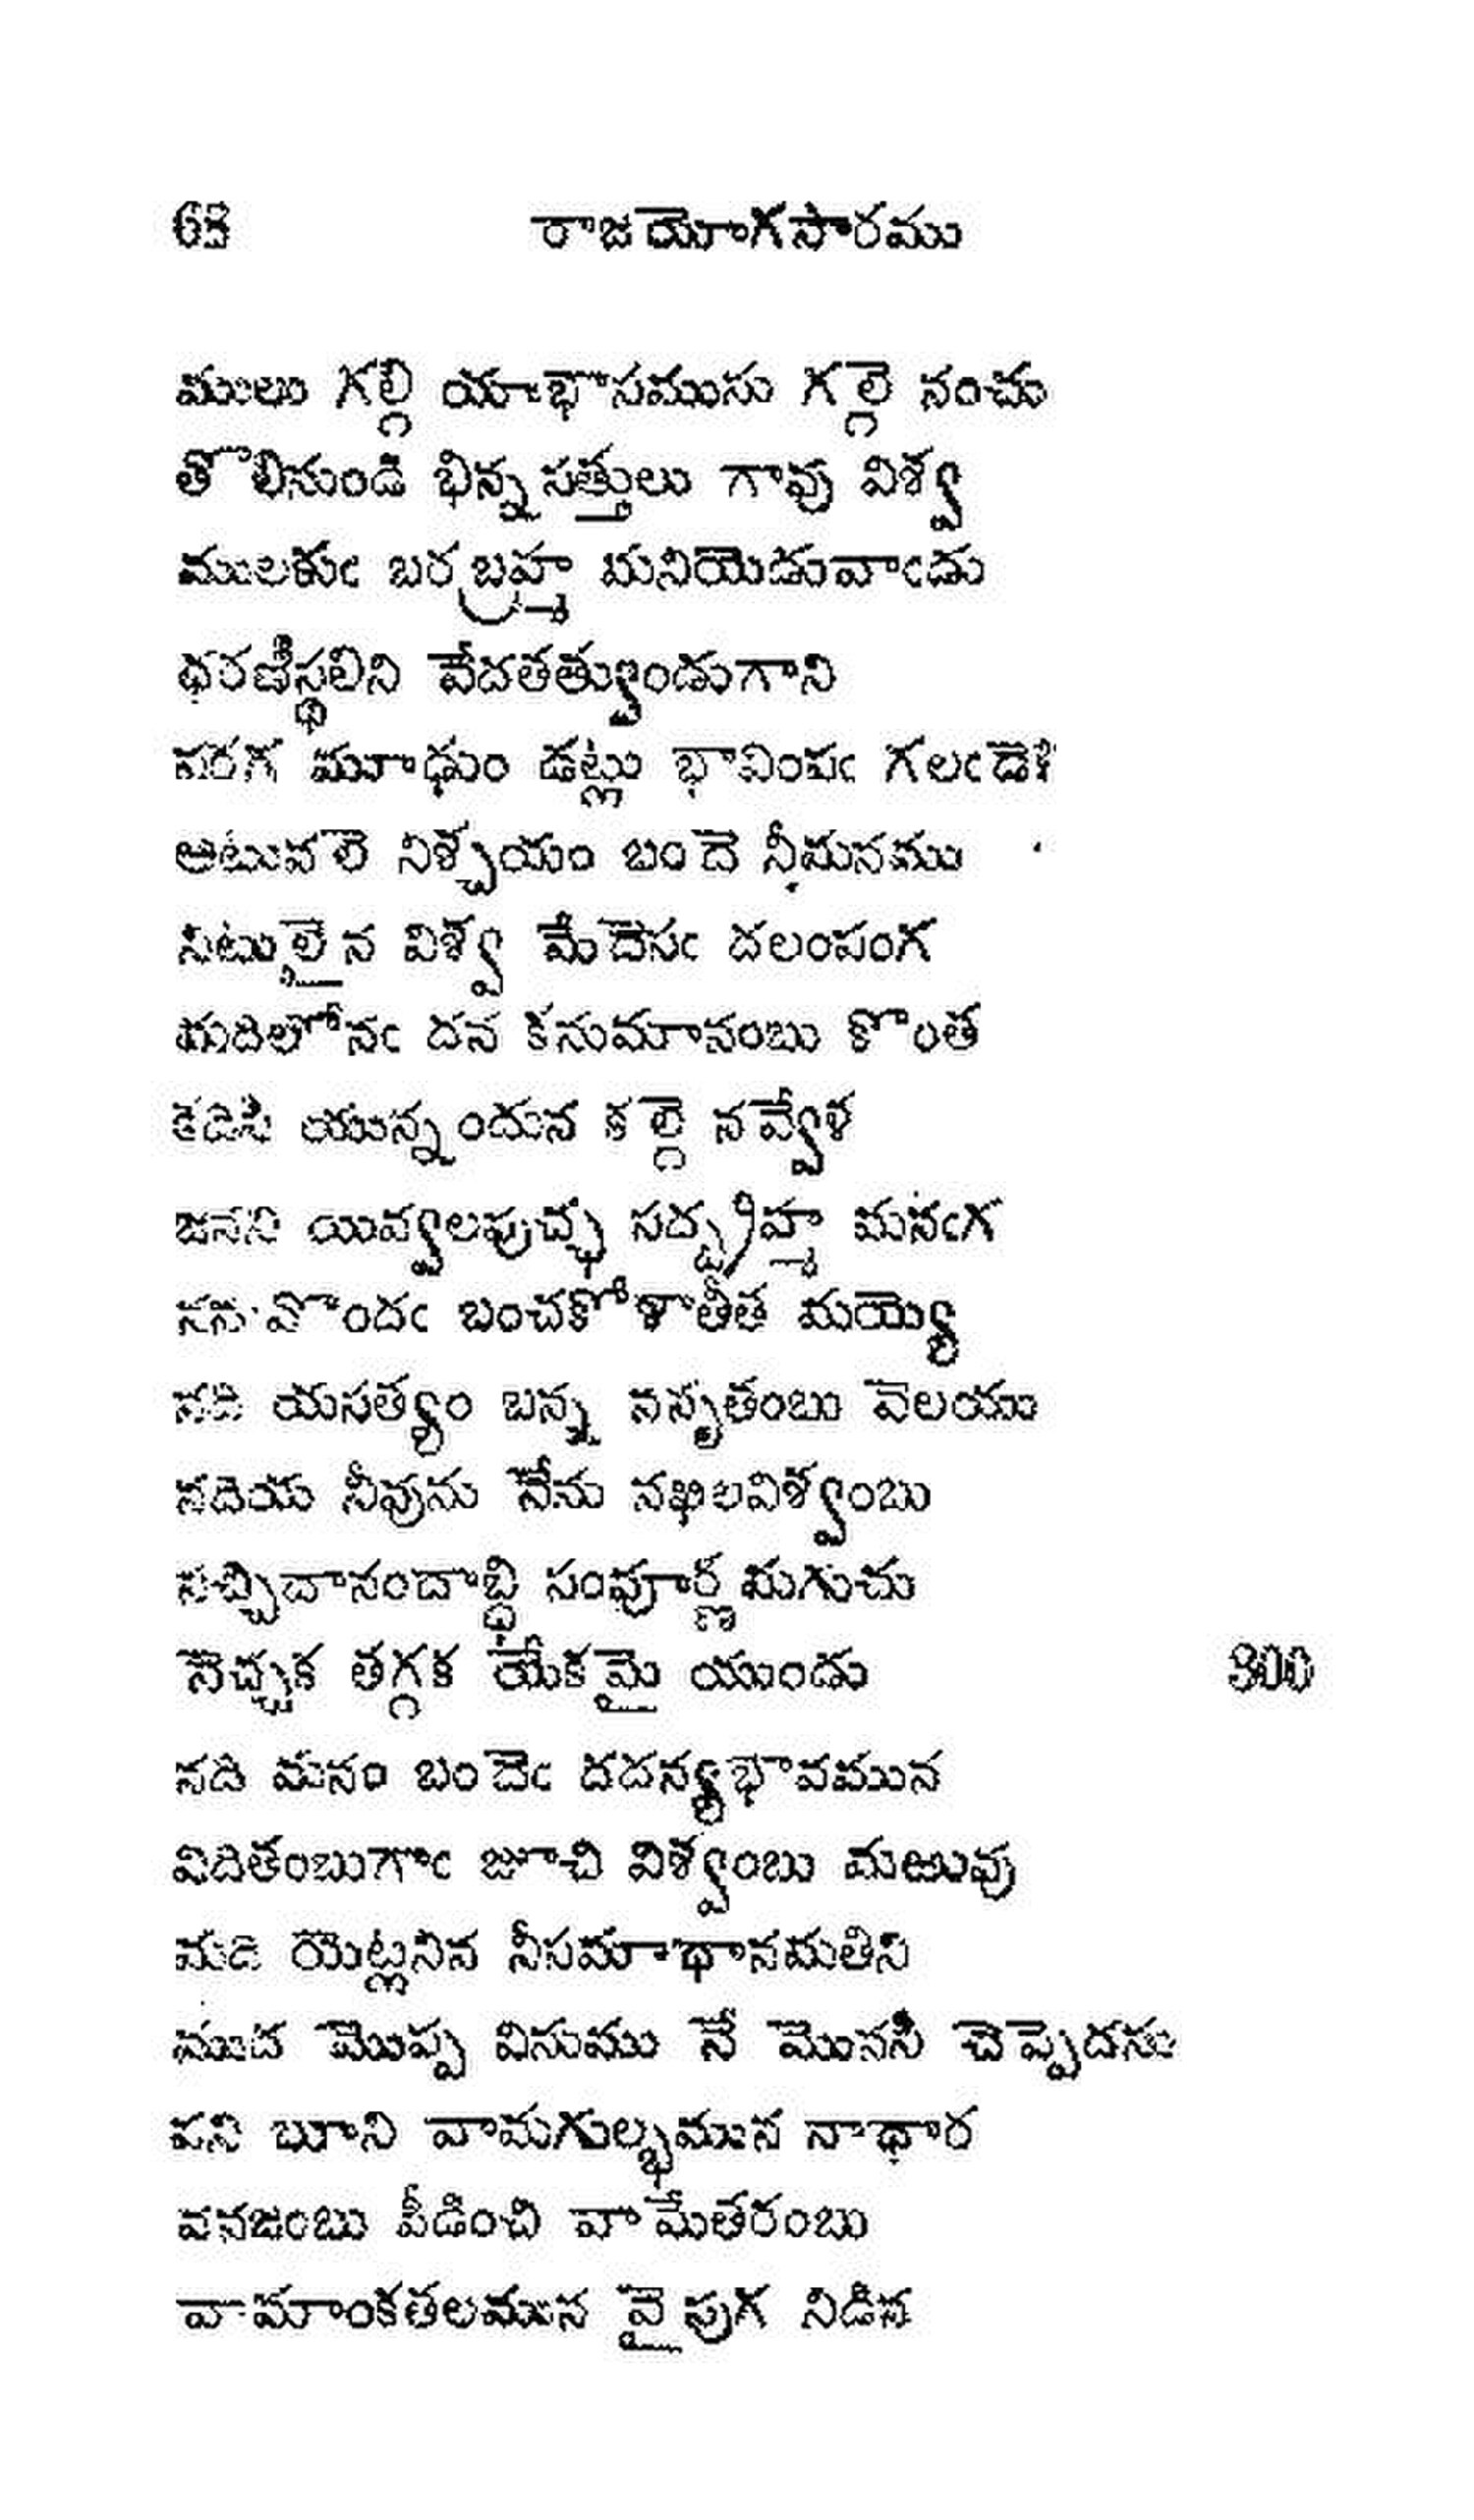ములు గల్గి యాభాసమును గల్గె నంచు
తొలినుండి భిన్నసత్తులు గావు విశ్వ
ములకుఁ బరబ్రహ్మ మనియెడువాఁడు
ధరణీస్థలిని వేదతత్వుండుగాని
పరగ మూఢుం డట్లు భావింపఁ గలఁడె?
అటువలె నిశ్చయం బందె నీమనము
నిటులైన విశ్వ మేదెసఁ దలంపంగ
మదిలోనఁ దన కనుమానంబు కొంత
కదిసి యున్నందున కల్గె నవ్వేళ
జనని యివ్వలపుచ్ఛ సద్బ్రహ్మ మనఁగ
ననువొందఁ బంచకోశాతీత మయ్యె
నది యసత్యం బన్న ననృతంబు వెలయు
నదియ నీవును నేను నఖిలవిశ్వంబు
సచ్చిదానందాబ్ధి సంపూర్ణ మగుచు
నెచ్చక తగ్గక యేకమై యుండు
నది మనం బందెఁ దదన్యభావమున
విదితంబుగాఁ జూచి విశ్వంబు మఱువు
మది యెట్లనిన నీసమాధానమతిని
ముద మొప్ప వినుము నే మొనసి చెప్పెదను
పని బూని వామగుల్భమున నాధార
వనజంబు పీడించి వామేతరంబు
వామాంకతలమున వైపుగ నిడిన